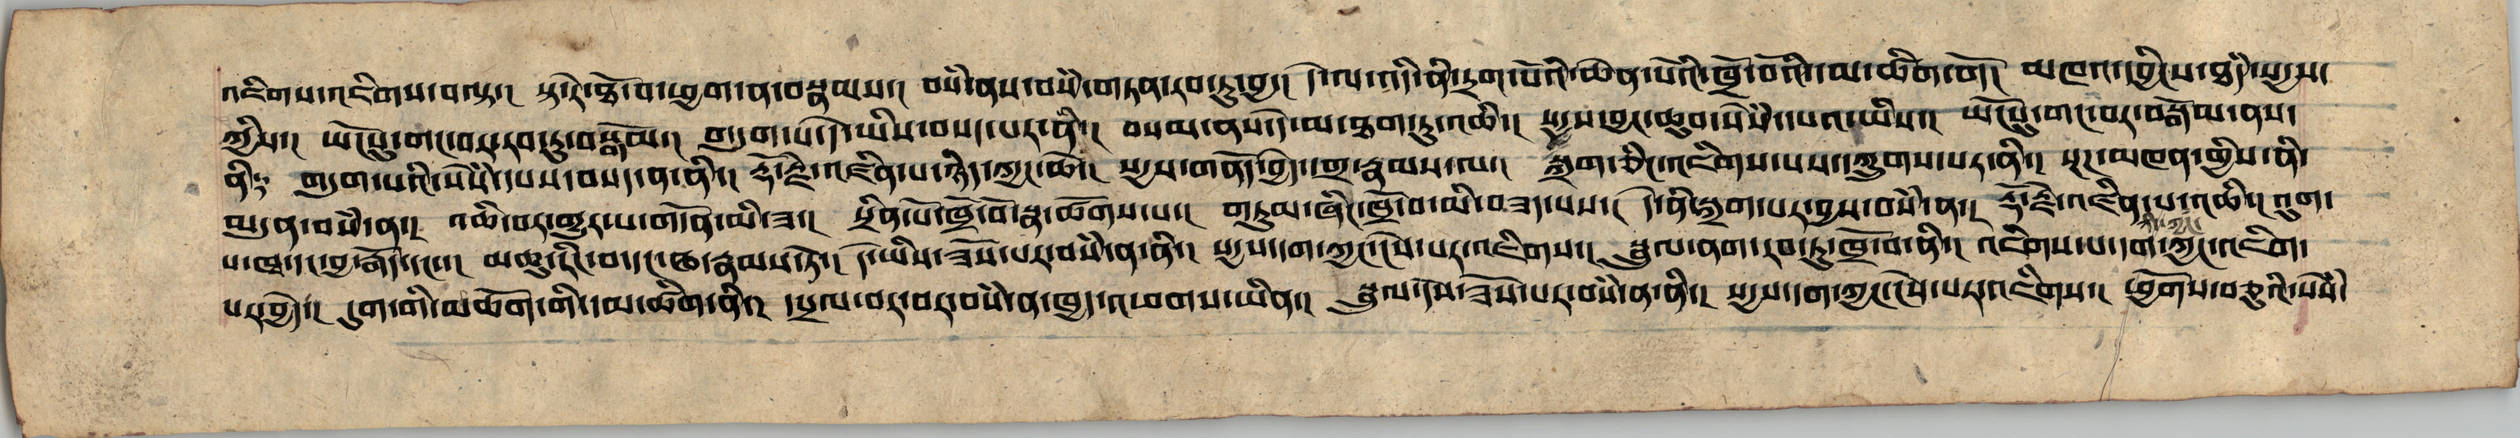འཇིགས་འཇིགས་བལྟ་། སྟ་རེ་ཐོ་བ་ཕྱག་ན་བསྣམས་། བསཾ་ནས་བསཾ་གཏན་རབ་ཏུ་བྱ་། དེ་ལ་འདི་ནི་དྲག་པོའི་ཆེན་པོའི་ཁྲོ་བོའི་དམ་ཚིག་གོ། མཁའ་དབྱིངས་ཐཾད་སདྱས་
ཀྱིས་། ཡོངསུ་གང་བར་རབ་ཏུ་བསྒོམ་། གདུག་པ་དེ་ཡིས་བསད་པར་ནི་། བསམ་ན་དེ་མ་ཐག་ཏུ་འཆི་། སདྱས་བྱང་ཆུབ་སེཾས་དཔའ་ཡིས་། ཡོངསུ་གང་བར་བསྒོམ་ནས་
ནི༑ གདུག་པའི་སེཾས་དཔས་བསད་ན་ནི་། རྡོ་རྗེ་འཛིན་པ་ཉིད་ཀྱང་ཆེ་། སདྱས་གནོད་བྱེད་དགྲ་རྣམས་ལ་། སྐྲག་ཅིང་འཇིགས་པས་དཀྲུགས་པར་ནི་། སྔཌ་མཁན་གྱིས་ནི་
མདུན་བསཾ་ན་། འཆི་པར་གྱུར་པ་གདོན་མི་ཟ་། སྲིན་པོ་ཁྲོ་བོ་སྣ་ཚོགས་པ་། གཏུམ་ཞིང་ཁྲོ་བ་མི་བཟད་པས་། དེ་ནི་སྐྲག་པར་བྱས་བསཾ་ན་། རྡོ་རྗེ་འཛིན་པ་ཉིད་ཀྱི་འཆི་། འུག་
པ་ཁྭ་དང་བྱ་རྒོད་དང་་། མཆུ་རིང་བ་དང་ཝ་རྣམས་ཏེ་། དེ་ཡིས་ཟོས་པར་བསཾ་ན་ནི་། སདྱས་དག་ཀྱང་ངེས་པར་འཇིགས་། སྦྲུལ་ནག་རབ་ཏུ་ཁྲོས་པ་ནི་། འཇིགས་པ་དག་ཀྱང་འཇིག་
པར་བྱེད་། དུག་གི་མཆོག་གི་དམ་ཚིག་ནི་། དཔྲལ་བར་བར་བསཾ་ན་ཁྱད་འཕགས་ཡིན་། སྦྲུལ་དེས་ཟོས་པར་བསཾ་ན་ནི་། སདྱས་དག་ཀྱང་ངེས་པར་འཇིགས་། ཕྱོགས་བཅུའི་སེཾས་